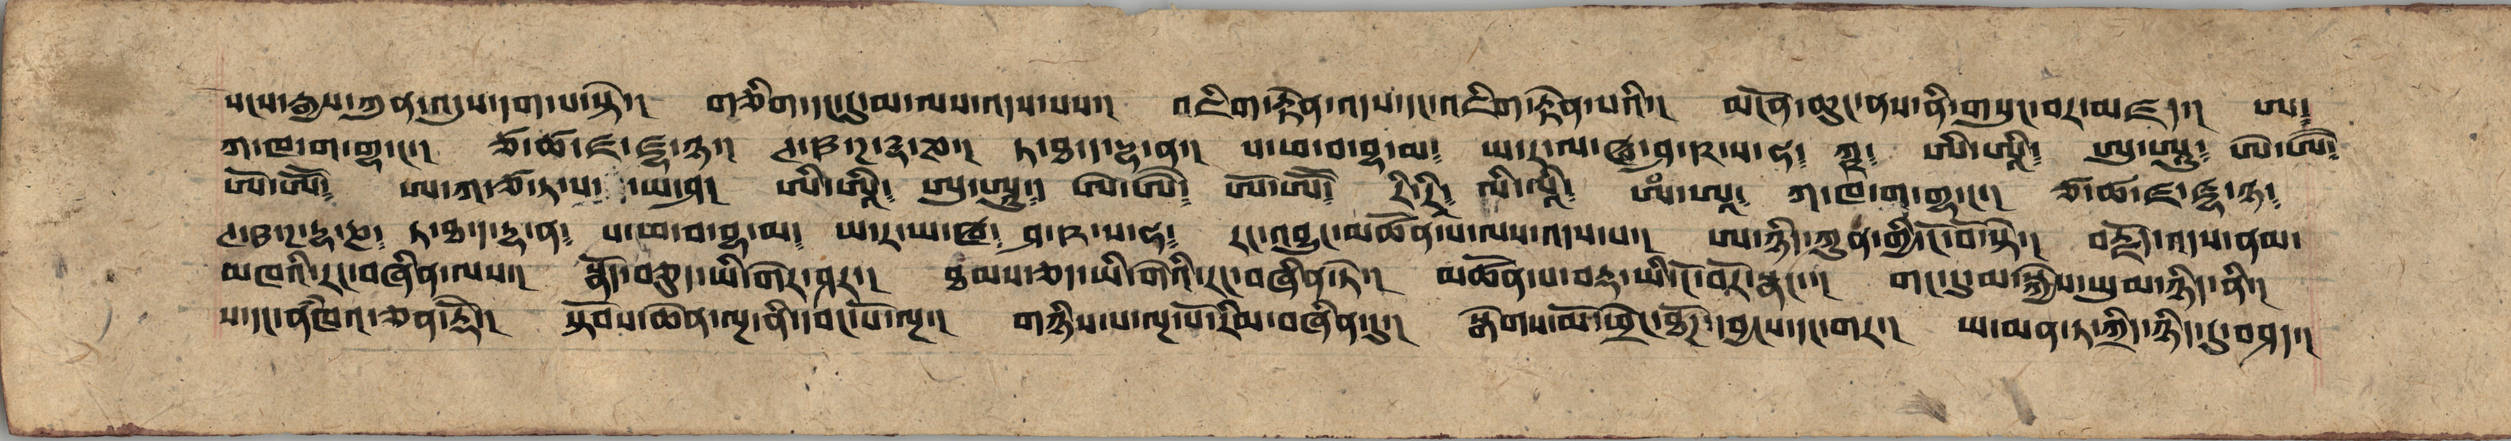སངས་རྒྱས་ཀུན་འདུས་དག་པ་སྟེ་། གཅིག་དང་དུ་མ་ལས་འདས་པས་། འཇིག་རྟེན་འདས་དང་འཇིག་རྟེན་པའི་། མངོན་ཆུང་ནས་ནི་གསུང་བར་མཛད་། ཨ༴
ཀ་ཁ་ག་གྷ་ང་། ཙ་ཚ་ཛ་ཛྷ་ཉ་། ཊ་ཋ་ཌ་ཌྷ་ཎ་། ཏ་ཐ་ད་དྷ་ན་། པ་ཕ་བ་བྷ་མ༴ ཡ་ར་ལ་ཝ་ཤ་ཥ་ས་ཧ༴ ཀྵ༴ ཨི་ཨཱི༴ ཨུ་ཨཱུ༴ ཨེ་ཨཻ༴
ཨོ་ཨཽ༴ ཨ་ཀ་ཙ་ཏ་ས་ ཡ་ཤ། ཨི་ཨཱི༴ ཨུ་ཨཱུ༴་ ཨེ་ཨཻ༴ ཨོ་ཨཽ༴ རི་རཱི༴ ལི་ལཱི༴ ཨཾ་ཨཱ༴ ཀ་ཁ་ག་གྷ་ང་། ཙ་ཚ་ཛ་ཛྷ་ཉ༴
ཊ་ཋ་ཌ་དྷ་ཎ༴ ཏ་ཐ་ད་དྷ་ན༴ པ་ཕ་བ་བྷ་མ༴ ཡ་ར་ཡ་ཝ༴ ཤ་ཥ་ས་ཧ༴ རང་འབྱུང་མཚོན་པེ་ལས་འདས་པ་། ཨ་ཉིད་ཀུན་གྱི་ངོ་བོ་སྟེ་། བརྗོད་འདས་ནམ་
མཁའི་རང་བཞིན་ལས་། སྣོད་བཅུད་ཡི་གེར་ཤར་། ཐབས་ཅད་ཡི་གེའི་རང་བཞིན་ཏེ་། མཚོན་པ་བརྡ་ཡི་ངོ་བོར་སྣང་་། གང་དུ་མ་སྐྱེས་ཡུམ་ཉིད་ནི་།
པ་དང་ནཾཁའ་ཅན་རྡོེ་། སྟོབས་ཆེན་ལྔ་ནི་དབང་པོ་ལྔ་། གཉིས་པ་ལྔ་པོ་རིམ་བཞིན་དུ་། སྒེགས་མོ་ཕྲེང་ཐོཌ་དབྱངས་དང་གར་། ཡ་མན་ཏ་ཀྲིད་ཉིད་དུ་བཤད་།